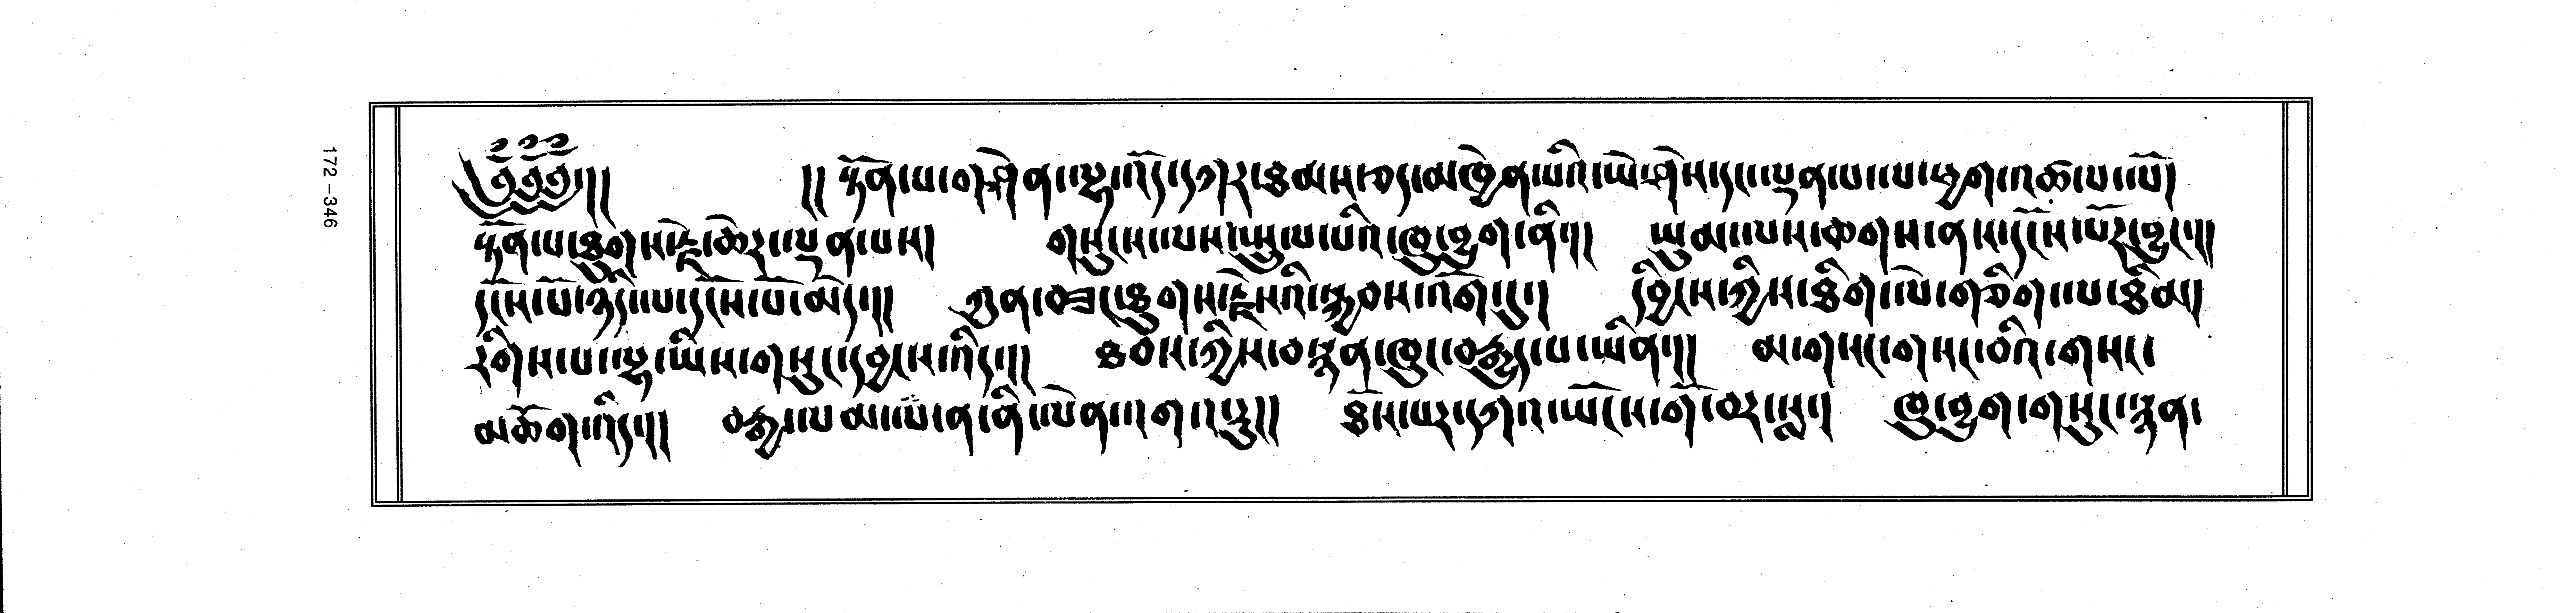༄༅༅།། །།སྟོན་པ་གཤེན་ལྷ་འོད་དཀར་ཐམས་ཅད་མཁྱེན་པའི་ཡེ་ཤེས་དང་ལྡན་པ་ལ་ཕྱག་འཚལ་ལོ། 
སྟོན་པ་ཐུགས་རྗེ་ཆེར་ལྡན་པས། གསུངས་ལས་སྤྲུལ་པའི་ཁུ་བྱུག་ནི། ཡུམ་ལས་ཆགས་ནས་དངོས་པོར་བྱུང་། 
དངོས་པོ་ཉིད་ལ་དངོས་པོ་མེད། ཀུན་བཟང་ཐུགས་རྗེའི་སྐྱབས་འོག་དུ། དབྱིངས་ཀྱིས་ཐིག་ལེ་གཅིག་ལ་ཐིམ། 
རིག་པ་ལྷ་ཡིས་གསུང་དབྱངས་འདི། ཐབས་ཀྱིས་བསྙན་ཁུང་བརྒྱུད་པ་ཡིན། མ་གསང་གསང་བའི་གསང་
མཆོག་འདི། བརྒྱ་ལམ་ན་ནི་ལེན་འགའ་རུ། ཐོས་པར་དཀའ་ཡང་གོ་བར་སླ། ཁུ་བྱུག་གསུང་སྙན་